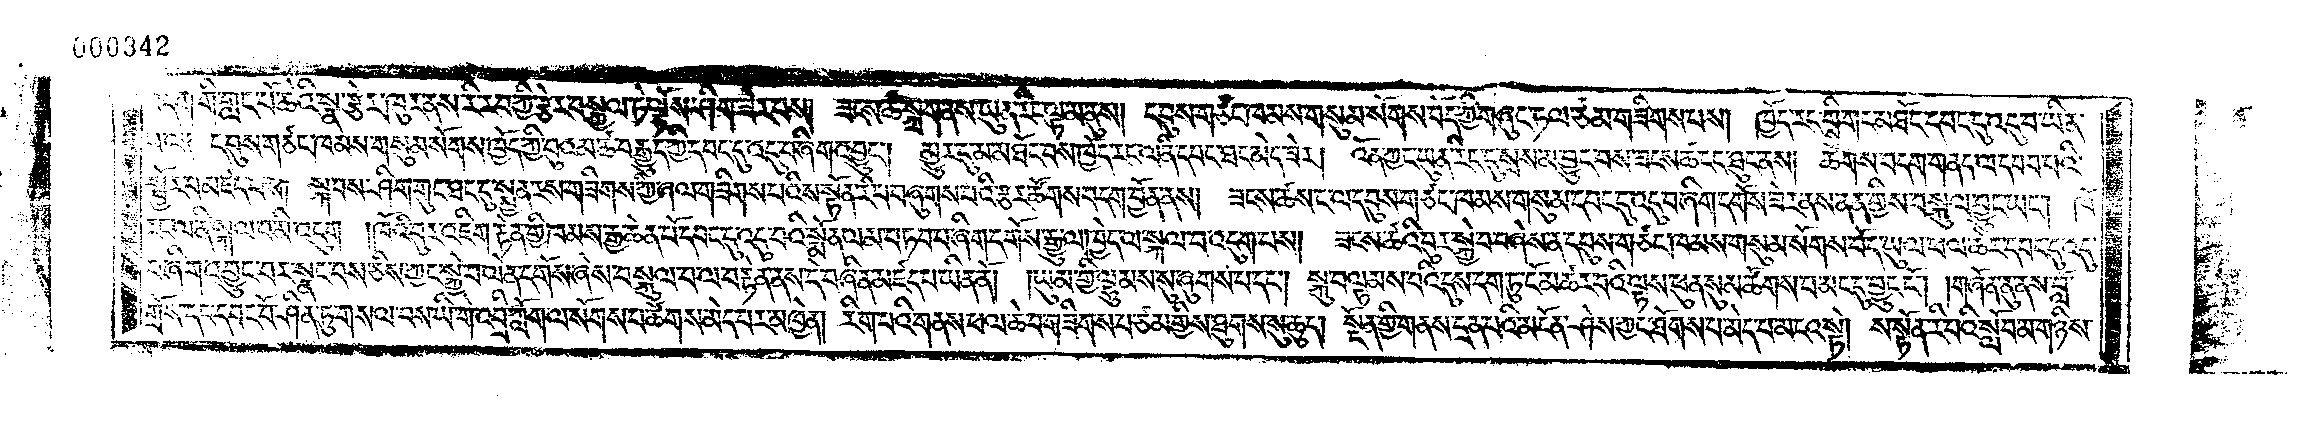བདག་གི་གླང་པོ་ཆེའི་སྣ་རྩེར་ཁུར་ནས་རི་རབ་ཀྱི་རྩེར་བསྐྱལ་ཏེ་ལྟོས་ཤིག་ཟེར་བས། ཟངས་ཚ་སྐྲག་ནས་ཡུན་རིང་ལྟ་མ་ནུས། དབུས་གཙང་ཁམས་གསུམ་སོགས་བོད་ཀྱི་གཞུང་ཏལ་ཙམ་གཟིགས་པས། ཁྱོད་རང་གིས་གང་མཐོང་དབང་དུ་འདུ་བ་ཡིན་
པ་ལ༑ དབུས་གཙང་ཁམས་གསུམ་སོགས་ཁྱོད་ཀྱི་བུའམ་ཚ་བརྒྱུད་ཀྱི་དབང་དུ་འདུ་བ་ཞིག་འབྱུང་། མྱུར་དུ་མ་མཐོང་བས་ཁྱོད་རང་ལ་ནི་དབང་ཐང་མེད་ཟེར། འོན་ཀྱང་ཡུན་རིང་དུ་སྲས་མ་བྱུང་བས་ཟངས་ཚ་ངང་ཐུང་ནས། ཚོགས་བདག་གནད་ལ་དབབ་པའི་
སྦྱོར་བ་མཛད་པས། སྐབས་ཤིག་གུང་ཐང་དུ་སྤྱན་རས་གཟིགས་ཀྱི་ཞལ་གཟིགས་པའི་ས་སྟོན་རི་པ་བཞུགས་པའི་རྩར་ཚོགས་བདག་བྱོན་ནས། ཟངས་ཚས་ང་ལ་དབུས་གཙང་ཁམས་གསུམ་དབང་དུ་འདུ་བ་ཞིག་དགོས་ཟེར་ནས་ནན་གྱིས་བསྐུལ་བྱུང་ཡང་། ཁོ་
རང་ལ་ནི་སྐལ་བ་མི་འདུག །ཁོའི་བུར་འཇིག་རྟེན་གྱི་ཁམས་རྒྱ་ཆེན་པོ་དབང་དུ་འདུ་བའི་སྨོན་ལམ་བཏབ་བ་ཞིག་དགོས་རྒྱུ་ལ་ཁྱེད་ལ་སྐལ་བ་འདུག་པས། ཟངས་ཚའི་བུར་སྐྱེ་བ་བཞེས་ན་དབུས་གཙང་ཁམས་གསུམ་སོགས་བོད་ཡུལ་ཕལ་ཆེར་དབང་དུ་འདུ་
བ་ཞིག་འབྱུང་བར་སྣང་བས་ཅིས་ཀྱང་སྐྱེ་བ་ལེན་དགོས་ཞེས་བསྐུལ་བ་ལ་བརྟེན་ནས་དེ་བཞིན་མཛད་པ་ཡིན་ནོ། །ཡུམ་གྱི་ལྷུམས་སུ་ཞུགས་པ་དང་། སྐུ་བལྟམས་པའི་དུས་དག་ཏུ་ངོ་མཚར་བའི་ལྟས་ཕུན་སུམ་ཚོགས་པ་མང་དུ་བྱུང་ངོ། །གཞོན་ནུ་ནས་བློ་
གྲོས་དང་དབང་པོ་ཤིན་ཏུ་གསལ་བས་ཡི་གེ་འབྲི་ཀློག་ལ་སོགས་པ་ཚེགས་མེད་པར་མཁྱེན། རིག་པའི་གནས་ཕལ་ཆེ་བ་གཟིགས་པ་ཙམ་གྱིས་ཐུགས་སུ་ཆུད། སྔོན་གྱི་གནས་དྲན་པའི་མངོན་ཤེས་ཀྱང་ཐོགས་པ་མེད་པ་མངའ་སྟེ། ས་སྟོན་རི་པའི་སློབ་མ་གཉིས་